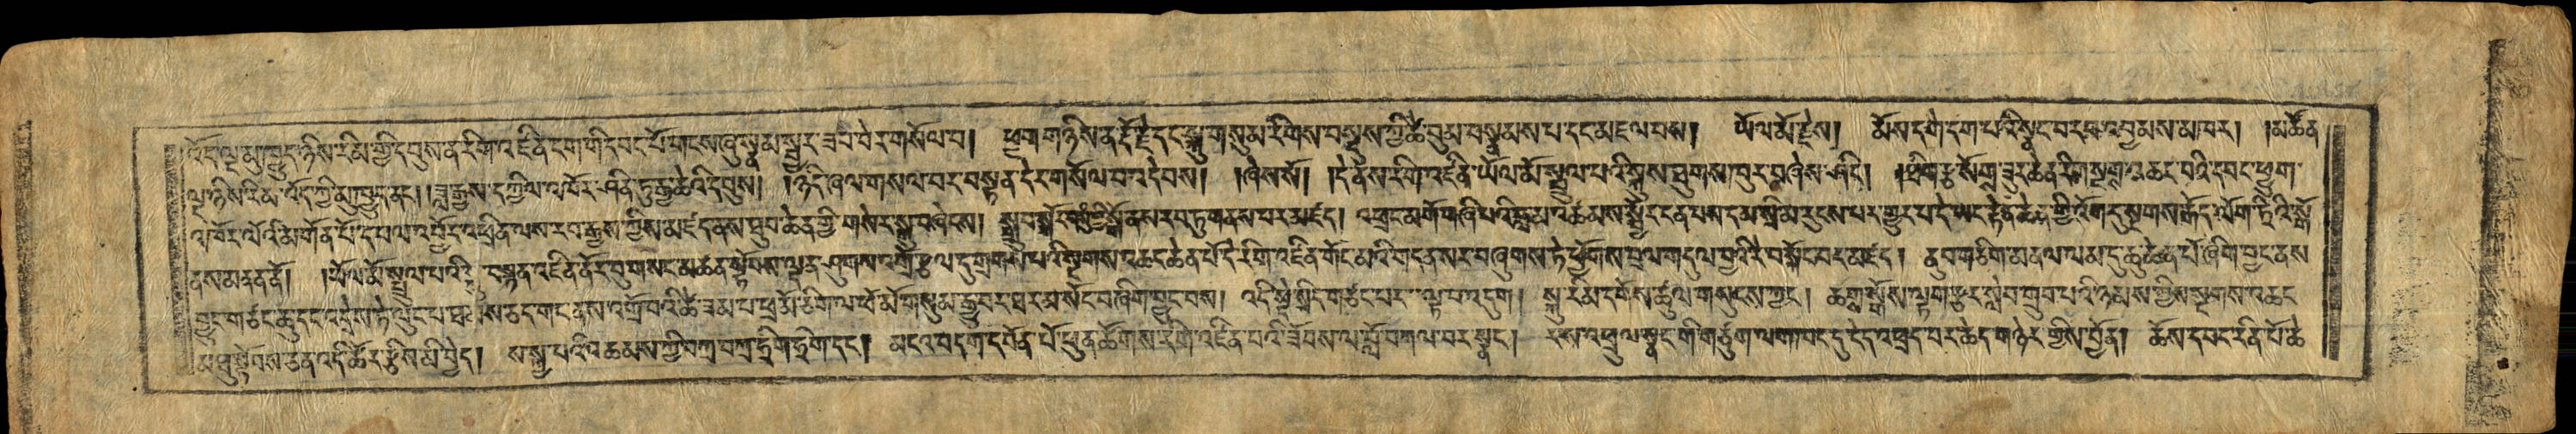འོད་ལྔ་ནུ་?་ཁྱུད་ཉིས་རིམ་གྱི་དབུས་ན་རིག་འཛིན་ངག་གི་དབང་པོ་གངས་ཞུ་སྣམ་སྦྱར་ཟབ་བེར་གསོལ་བ། ཕྱག་གཉིས་ན་རྡོ་རྗེ་དང་སྐུ་གསུམ་རིགས་བསྡུས་ཀྱི་ཚེ་བུམ་བསྣམས་པ་དང་མཇལ་བས། ཡོལ་མོ་རྗེས། མོས་དགེ་དག་པའི་སྣང་བ་རབ་འབྱམས་མཁར། །མཚོན་
ལྔ་ཉིས་རིམ་འོད་ཀྱི་མུ་ཁྱུད་ནང་། །ཟླ་རྒྱས་དཀྱིལ་འཁོར་ཤིན་ཏུ་རྒྱ་ཆེའི་དབུས། །ཉིད་ཞལ་གསལ་བར་བསྟན་དེར་གསོལ་བ་འདེབས། །ཞེས་སོ། །དེ་ནས་རིག་འཛིན་ཡོལ་མོ་སྤྲུལ་པའི་སྐུས་ཐུགས་ཁུར་བཞེས་ཤིང་། །ཐིག་རྩ་སོགས་ཟུར་ཆེན་རིག་སྔགས་འཆང་བའི་དབང་ཕྱུག་
འཁོར་ལོའི་མགོན་པོ་དཔལ་འབྱོར་འཕྲིན་ལས་རབ་རྒྱས་ཀྱིས་མཇད་ནས་ཐུབ་ཆེན་གྱི་གསེར་སྐུ་བཞེངས། སྒྲུབ་སྐོར་གསུཾ་གྱི་སྒོ་ནས་རབ་ཏུ་གནས་པར་མཇད། འཕྲང་མགོ་གཞི་པའི་བླ་མ་འཚམས་སྦྱོར་ངན་པས་དམ་སྲི་མ་རུངས་པར་གྱུར་པ་དེ་ཡང་རྟེན་ཆེན་གྱི་འོག་དུ་སྔགས་རྒོད་ལོག་ཏྲིའི་སྒོ་
ནས་མནན་ནོ། །ཡོལ་མོ་སྤྲུལ་པའི་སྐུ་བསྟན་འཛིན་ནོར་བུ་གསང་མཚན་སྟོབས་ལྡན་ཤུགས་འགྲོ་རྩལ་དུ་གྲགས་པའི་སྔགས་འཆང་ཆེན་པོ་དེ་རིག་འཛིན་གོང་མའི་གདན་སར་བཞུགས་ཏེ་ཕྱོགས་བྲལ་གདུལ་བྱའི་རེ་བསྐོང་བར་མཛད། ནུབ་གཅིག་མནལ་ལམ་དུ་ཆུ་ཆེན་པོ་ཞིག་བྱང་ནས་
བྱུང་གཙང་ཆུ་དང་འདྲེས་ཏེ་ལུང་པ་ཐམས་ཅད་གང་ནས་འགྲོ་བའི་ཚེ་ཟམ་པ་ཕྲ་མོ་ཅིག་ལ་ཕོ་མོ་གསུམ་རྒྱུ་བར་ཐར་མ་སོང་བ་ཞིག་བྱུང་བས། འདི་སྡེ་སྲིད་གཙང་པར་ལྟ་བ་འདུག། སྐུ་རིམ་དགོས་ཚུལ་གསུངས་ཀྱང་། ཆགས་སྒོས་ལྟག་རྩར་སླེབ་གྲུབ་པའི་ཉམས་ཀྱིས་སྔགས་འཆང་
མཐུ་སྟོབས་ཅན་འདི་ཚོར་རྩིས་མི་བྱེད། ས་སྐྱ་པའི་འཆམས་ཀྱི་བཀྲ་བཀྲ་ཧྲིག་ཧྲིག་དང་། མངའ་བདག་དབོན་པོ་ཕུན་ཚོགས་རིག་འཛིན་པའི་ཟོབས་ལ་བློ་བགལ་བར་སྣང་། ར་ས་འཕྲུལ་སྣང་གི་གཙུག་ལག་ཁང་དུ་ངེད་འཕྲད་པར་ཆེད་གཉེར་གྱིས་བྱོན། ཆོས་དབང་རིན་པོ་ཆེ་